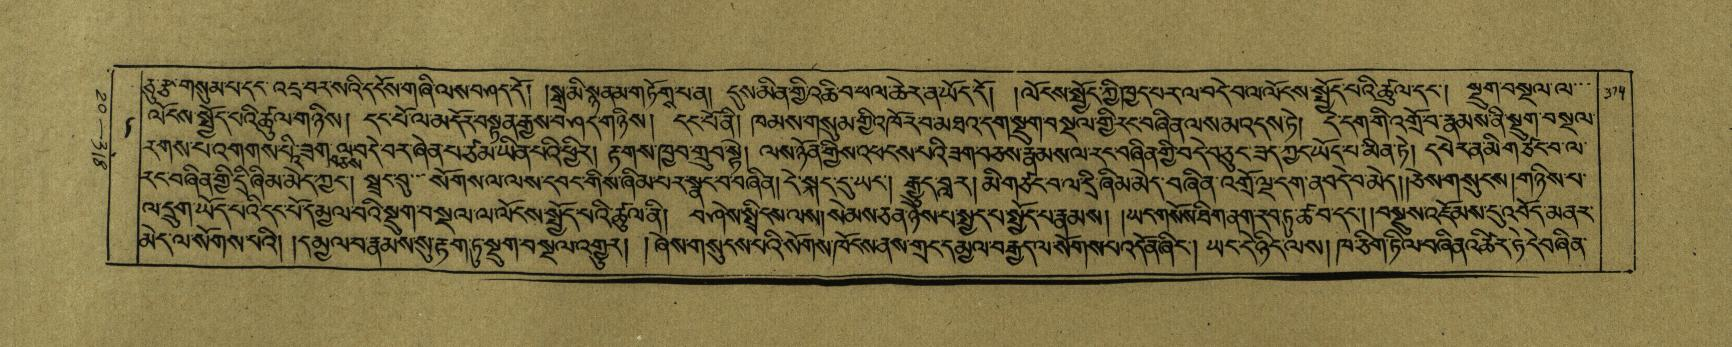ཅུ་རྩ་གསུམ་པ་དང་འདྲ་བར་སའི་དངོས་གཞི་ལས་བཤད་དོ། །སྒྲ་མི་སྙན་མ་གཏོགས་པ་ན། དུས་མིན་གྱི་འཆི་བ་ཕལ་ཆེར་ན་ཡོད་དོ། །ལོངས་སྤྱོད་ཀྱི་ཁྱད་པར་ལ་བདེ་བ་ལ་ལོངས་སྤྱོད་པའི་ཚུལ་དང་། སྡུག་བསྔལ་ལ་
ལོངས་སྤྱོད་པའི་ཚུལ་གཉིས། དང་པོ་ལ་མདོར་བསྟན་རྒྱས་བཤད་གཉིས། དང་པོ་ནི། ཁམས་གསུམ་གྱི་འཁོར་བ་མཐའ་དག་སྡུག་བསྔལ་གྱི་རང་བཞིན་ལས་མ་འདས་ཏེ། དེ་དག་གི་འགྲོ་བ་རྣམས་ནི་སྡུག་བསྔལ་
རགས་པ་འགགས་པའི་ཟག་བཅས་ལ་བདེ་བར་ཞེན་པ་ཙམ་ཡིན་པའི་ཕྱིར། རྟགས་ཁྱབ་གྲུབ་སྟེ། ལས་ཉོན་གྱིས་འཕངས་པའི་ཟག་བཅས་རྣམས་ལ་རང་བཞིན་གྱི་བདེ་བ་ཅུང་ཟད་ཀྱང་ཡོད་པ་མིན་ཏེ། དཔེར་ན་མི་གཙང་བ་ལ་
རང་བཞིན་གྱི་དྲི་ཞིམ་མེད་ཀྱང་། སྦྲང་བུ་སོགས་ལ་ལས་དབང་གིས་ཞིམ་པར་སྣང་བ་བཞིན། དེ་སྐད་དུ་ཡང་། རྒྱུད་བླར། མི་གཙང་བ་ལ་དྲི་ཞིམ་མེད་བཞིན་འགྲོ་ལྔ་དག་ན་བདེ་བ་མེད། །ཅེས་གསུངས། གཉིས་པ་
ལ་དྲུག་ཡོད་པའི་དང་པོ་དམྱལ་བའི་སྡུག་བསྔལ་ལ་ལོངས་སྤྱོད་པའི་ཚུལ་ནི། བཤེས་སྤྲིངས་ལས། སེམས་ཅན་ཉེས་པ་སྤྱད་པ་སྤྱོད་པ་རྣམས། །ཡང་གསོས་ཐིག་ནག་རབ་ཏུ་ཚ་བ་དང་། །བསྡུས་འཇོམས་དུ་འབོད་མནར་
མེད་ལ་སོགས་པའི། །དམྱལ་བ་རྣམས་སུ་རྟག་ཏུ་སྡུག་བསྔལ་འགྱུར། །ཞེས་གསུངས་པའི་སོགས་ཁོངས་ནས་གྲང་དམྱལ་བརྒྱད་ལ་སོགས་པ་འདོན་ཞིང་། ཡང་དེ་ཉིད་ལས། ཁ་ཅིག་ཏིལ་བཞིན་འཚིར་ཏེ་དེ་བཞིན་